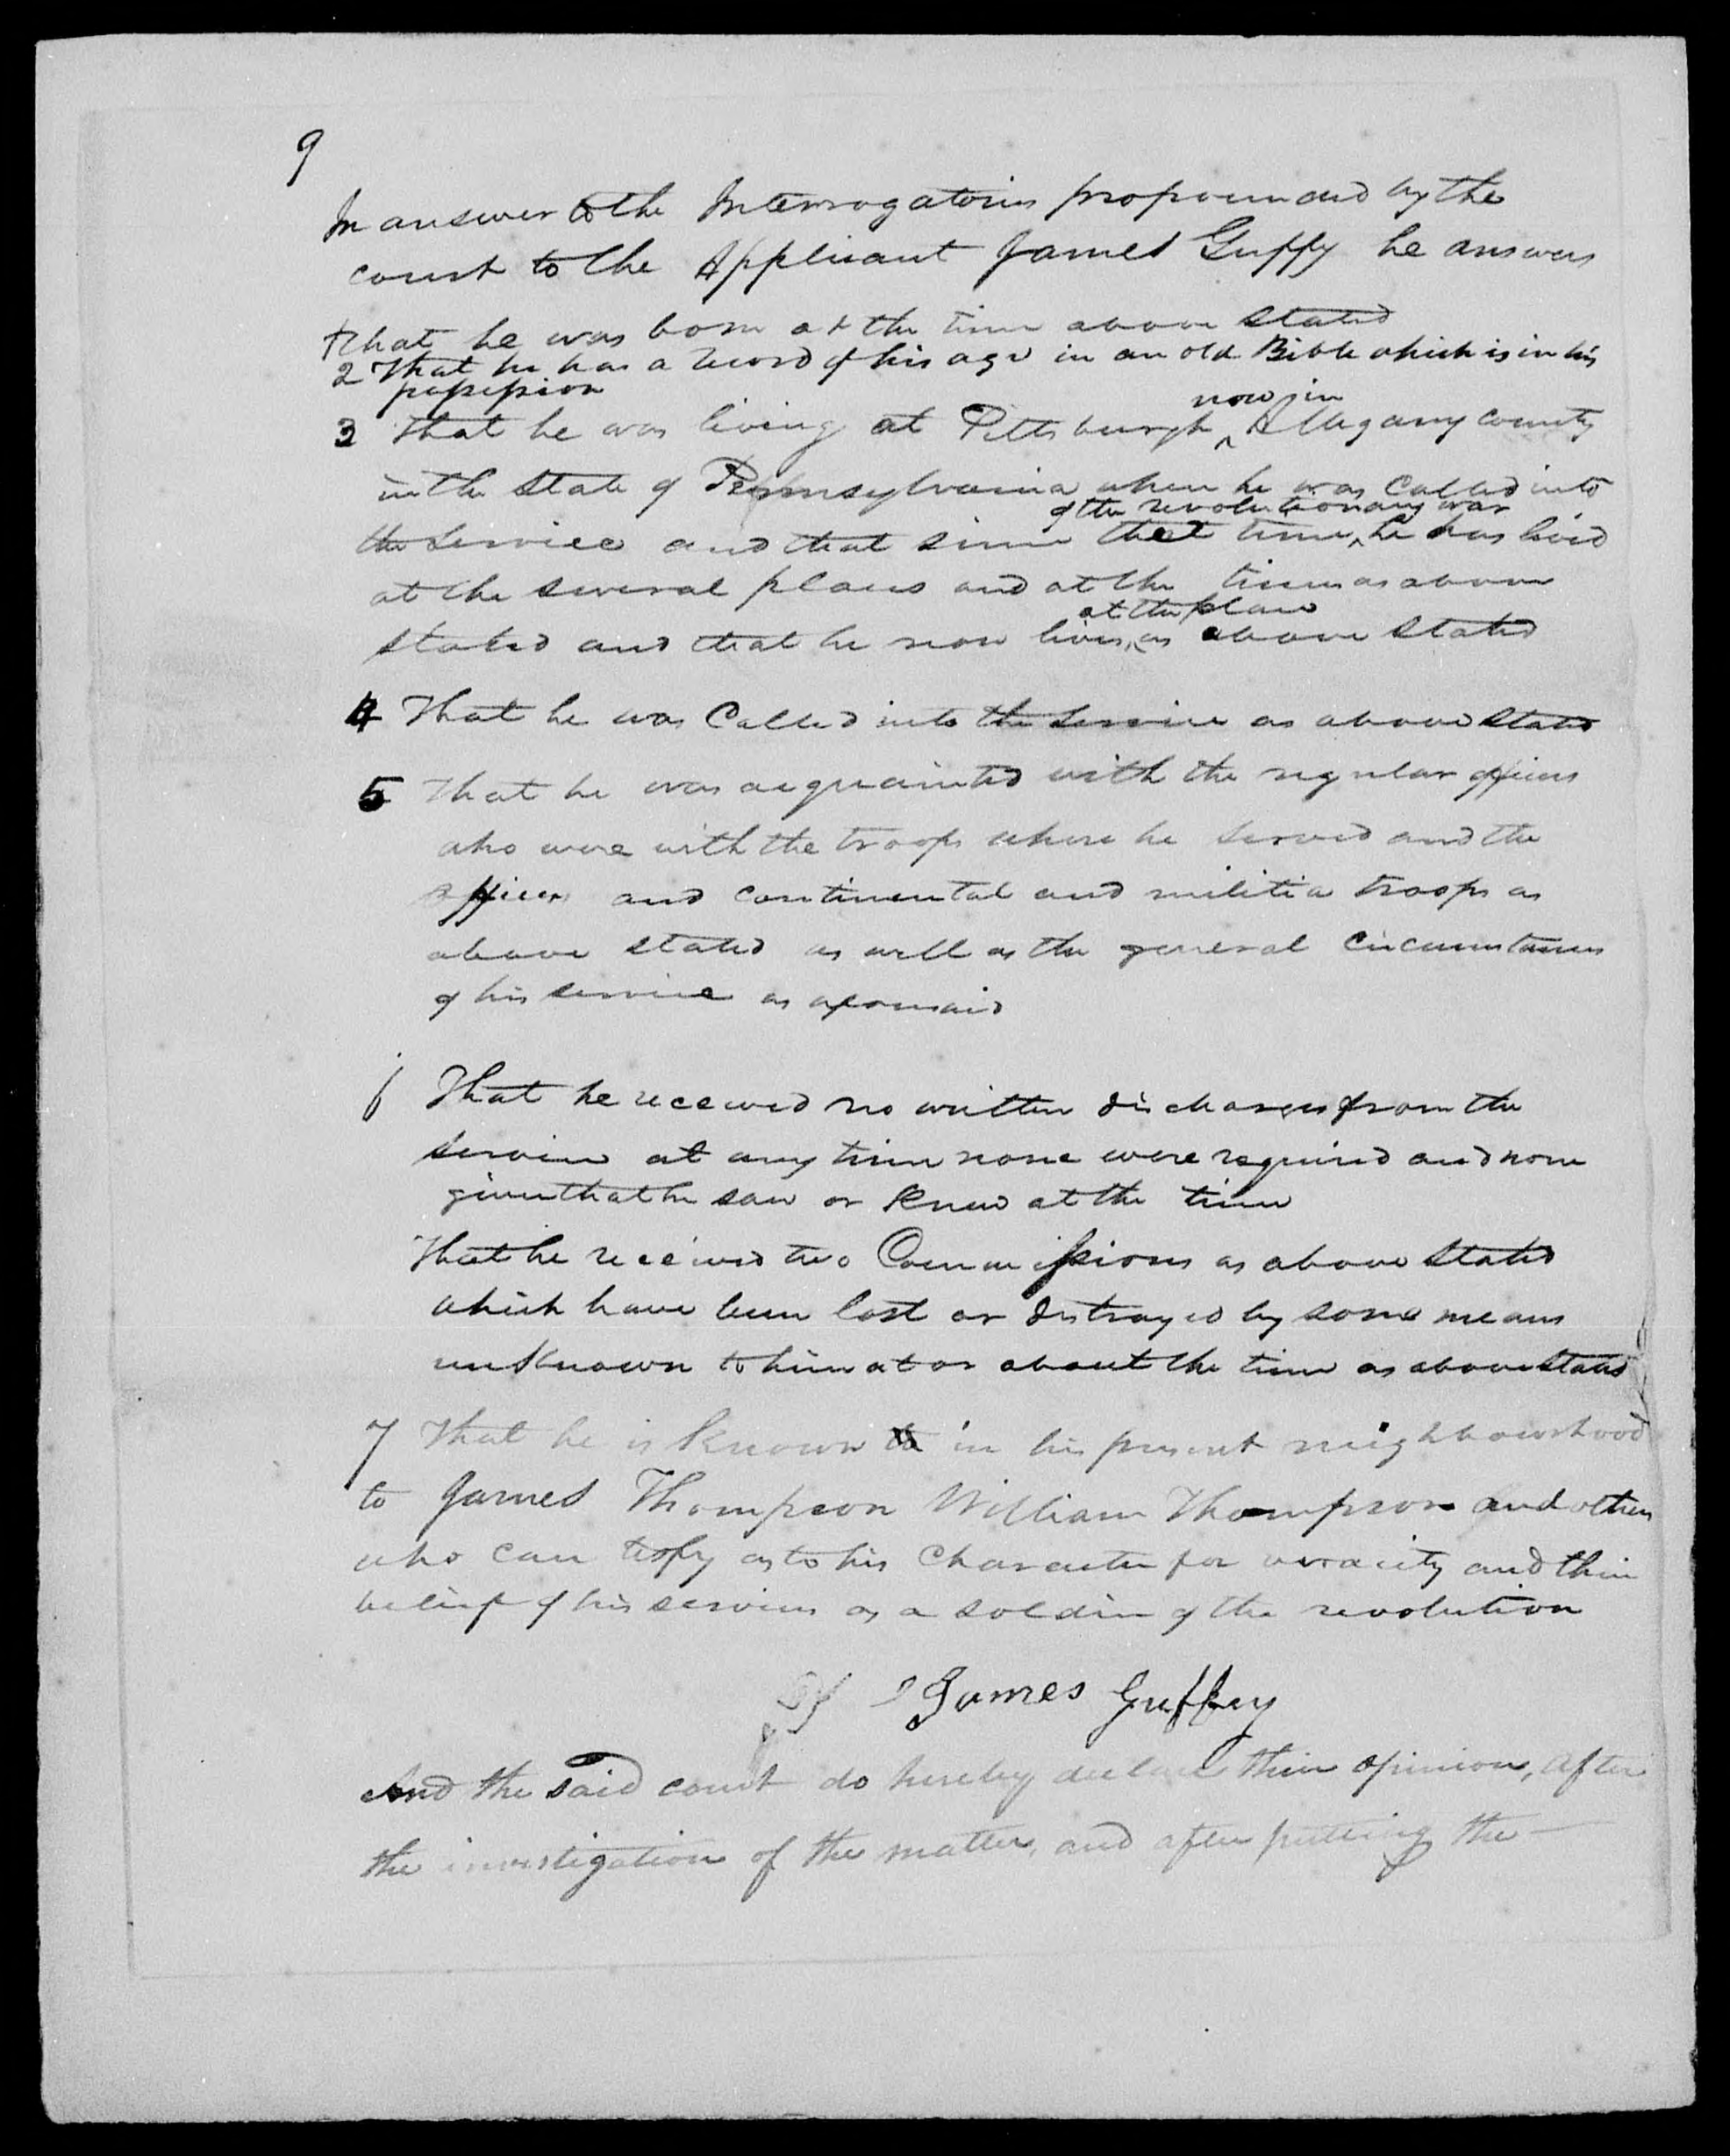9
In answer to the Interrogatories propounded by the Court to the applicant James Guffy he answers that he was born at the time above stated
2 that he has a record of his age in an old Bible which is in his possession
3 that he was living at Pittsburgh now in Allegany County in the State of Pennsylvania when he was called into the service and that since that the time of the Revolutionary War he has lived at the several places and at the times above stated and that he now lives at the place as above stated
4 That he was called into the service as above stated
5 That he was acquainted with the regular officers who were with the troops where he served and the Officers and continental and militia troops as above stated as well as the general circumstances of his service as aforesaid
6 That he received no written discharge from the service at any time none were required and none given that he saw or knew at the time
That he received two commissions as above stated which have been lost or destroyed by some means unknown to him at or about the time as above stated
that he is known to in his present neighbourhood
to James Thompson William Thompson and others who can testify as to his character for veracity and their belief of his services as a soldier of the revolution
James Griffey
And the said court do hereby declare their opinion, after the investigation of the matter, and after putting the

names: James Guffy, James Thompson, William Thompson, James Guffey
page: 12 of 36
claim: survivor's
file: S. 31,718, James Guffey, Penn.